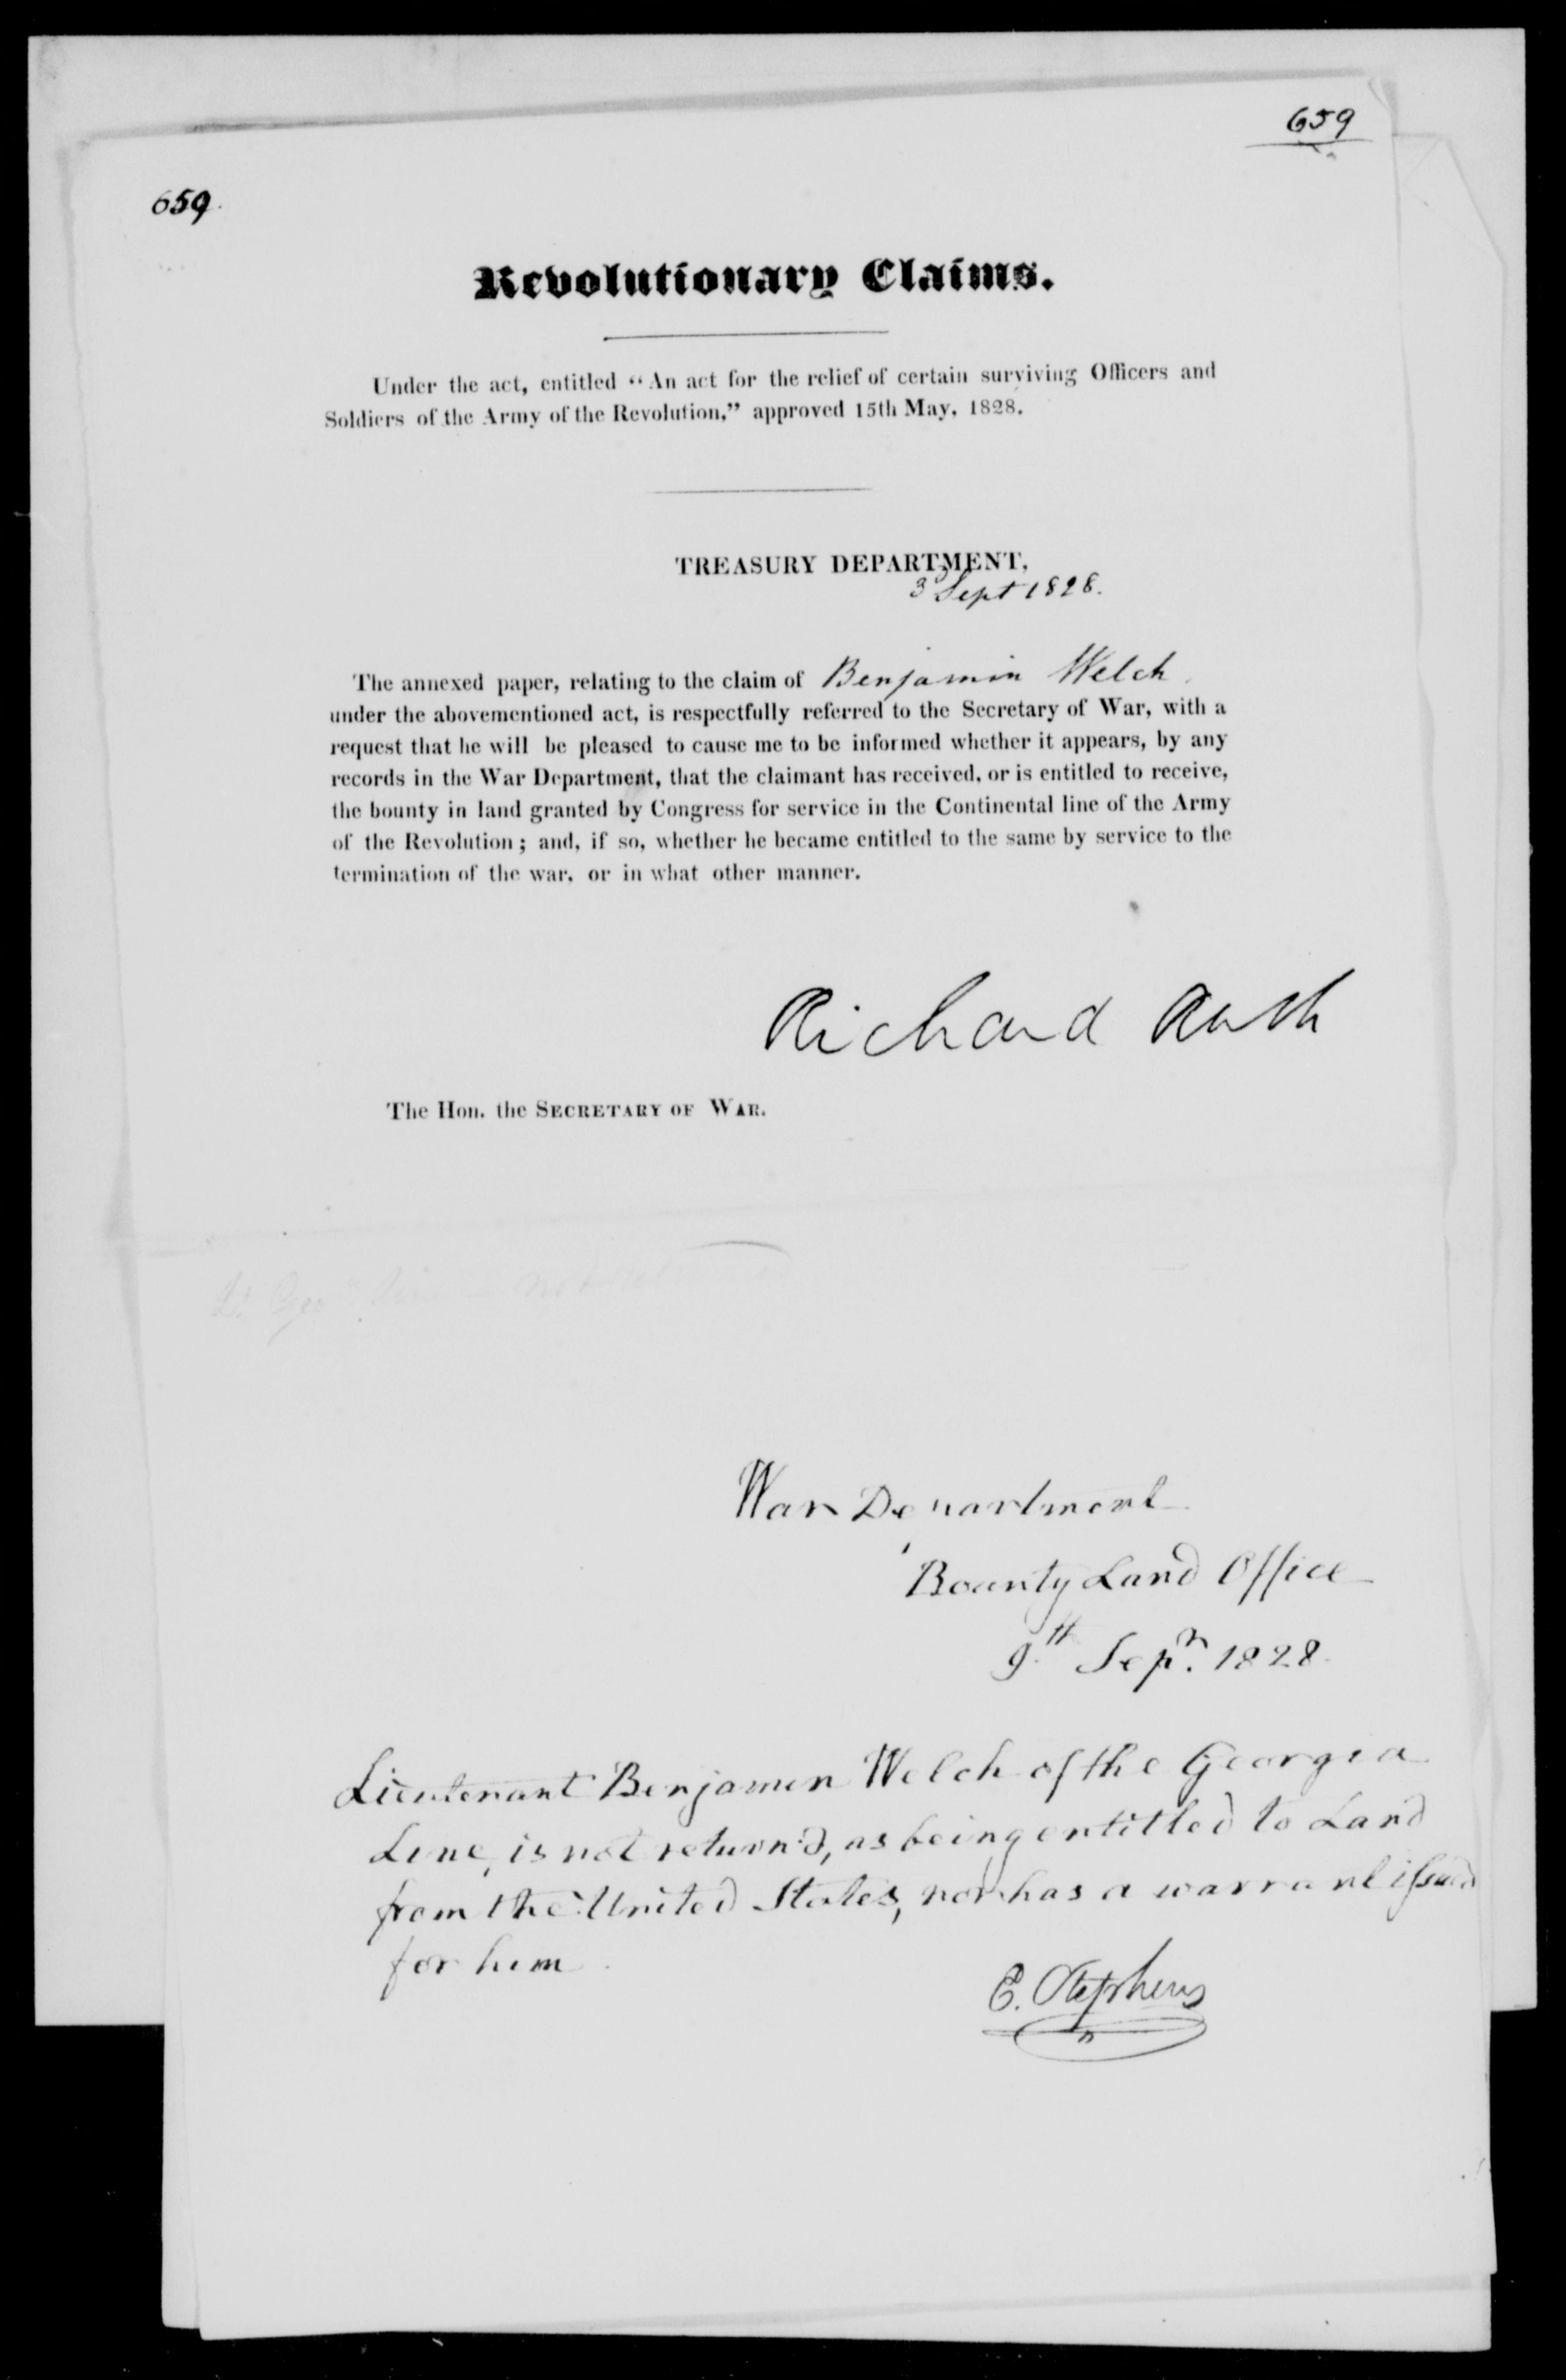659.                                                              659
Revolutionary Claims.
Under the act, entitled "An act for the relief of certain surviving Officers and Soldiers of the Army of the Revolution,” approved 15th May, 1828.
TREASURY DEPARTMENT,
3d Sept 1828.
The annexed paper, relating to the claim of Benjamin Welch under the abovementioned act, is respectfully referred to the Secretary of War, with a request that he will be pleased to cause me to be informed whether it appears, by any records in the War Department, that the claimant has received, or is entitled to receive,
the bounty in land granted by Congress for service in the Continental line of the Army
of the Revolution; and, if so, whether he became entitled to the same by service to the
termination of the war, or in what other manner.
Richard Rush
The Hon. the SECRETARY OF WAR.
War Department
Bounty Land Office
9th Sept 1828
Lieutenant Benjamin Welch of the Georgia
Line, is not returned, as being entitled to Land
from the United States, nor has a warrant issued for him
E. Stephens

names: Benjamin Welch, E Stephens, Richard Rush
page: 9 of 23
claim: rejected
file: R. 20,446, Benjamin Welch, Ga.